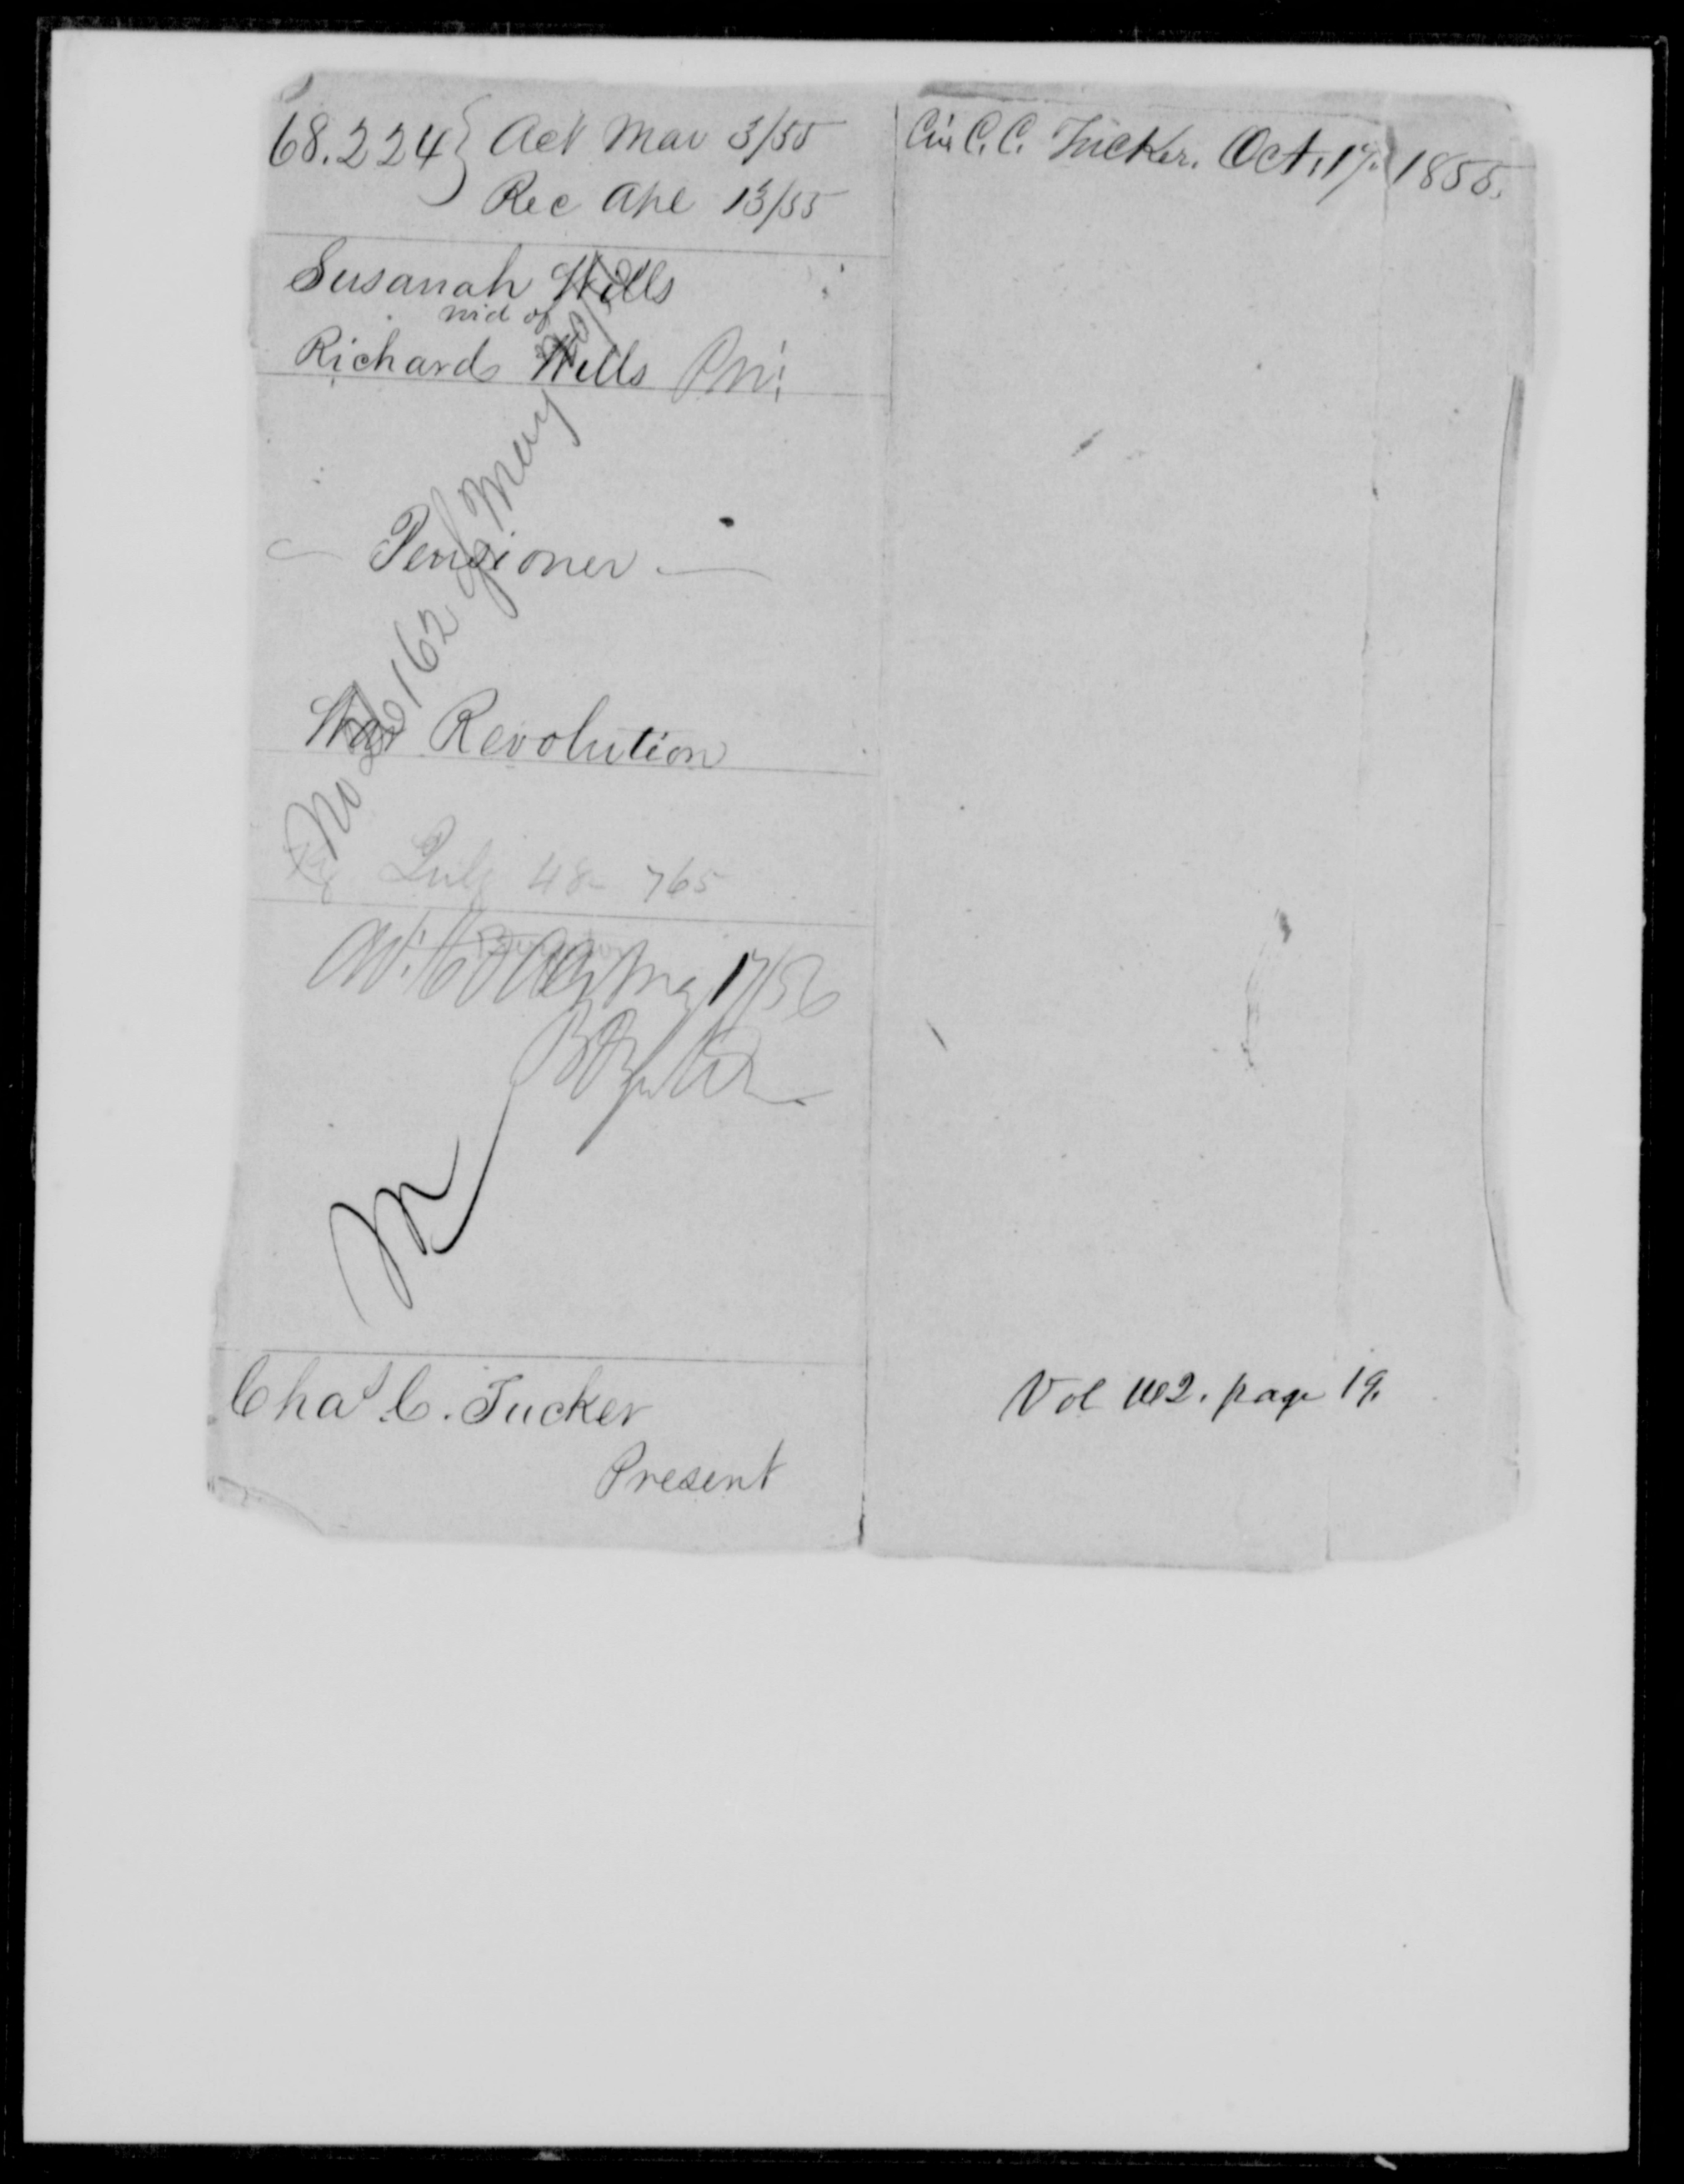68.224 Act Mar 3/55
Rec Apl 13/55
Susannah Wells
wid. of 
Richard Wells Pri
Pensioner

War Revolution
July 48 - 765
W. 1756
Boynton

W:160 acres
[Act Mar 17/56]
Boynton

Chas C. Tucker
Present
Circ. C.C. Tucker, Oct, 19 1856,
Vol 162, page 19


No 26162 of May 20/56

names: Susannah Wells, Richard Wells, C C Tucker, Boynton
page: 3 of 100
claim: widow's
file: W. 6437, Richard Wells, Ga Va.